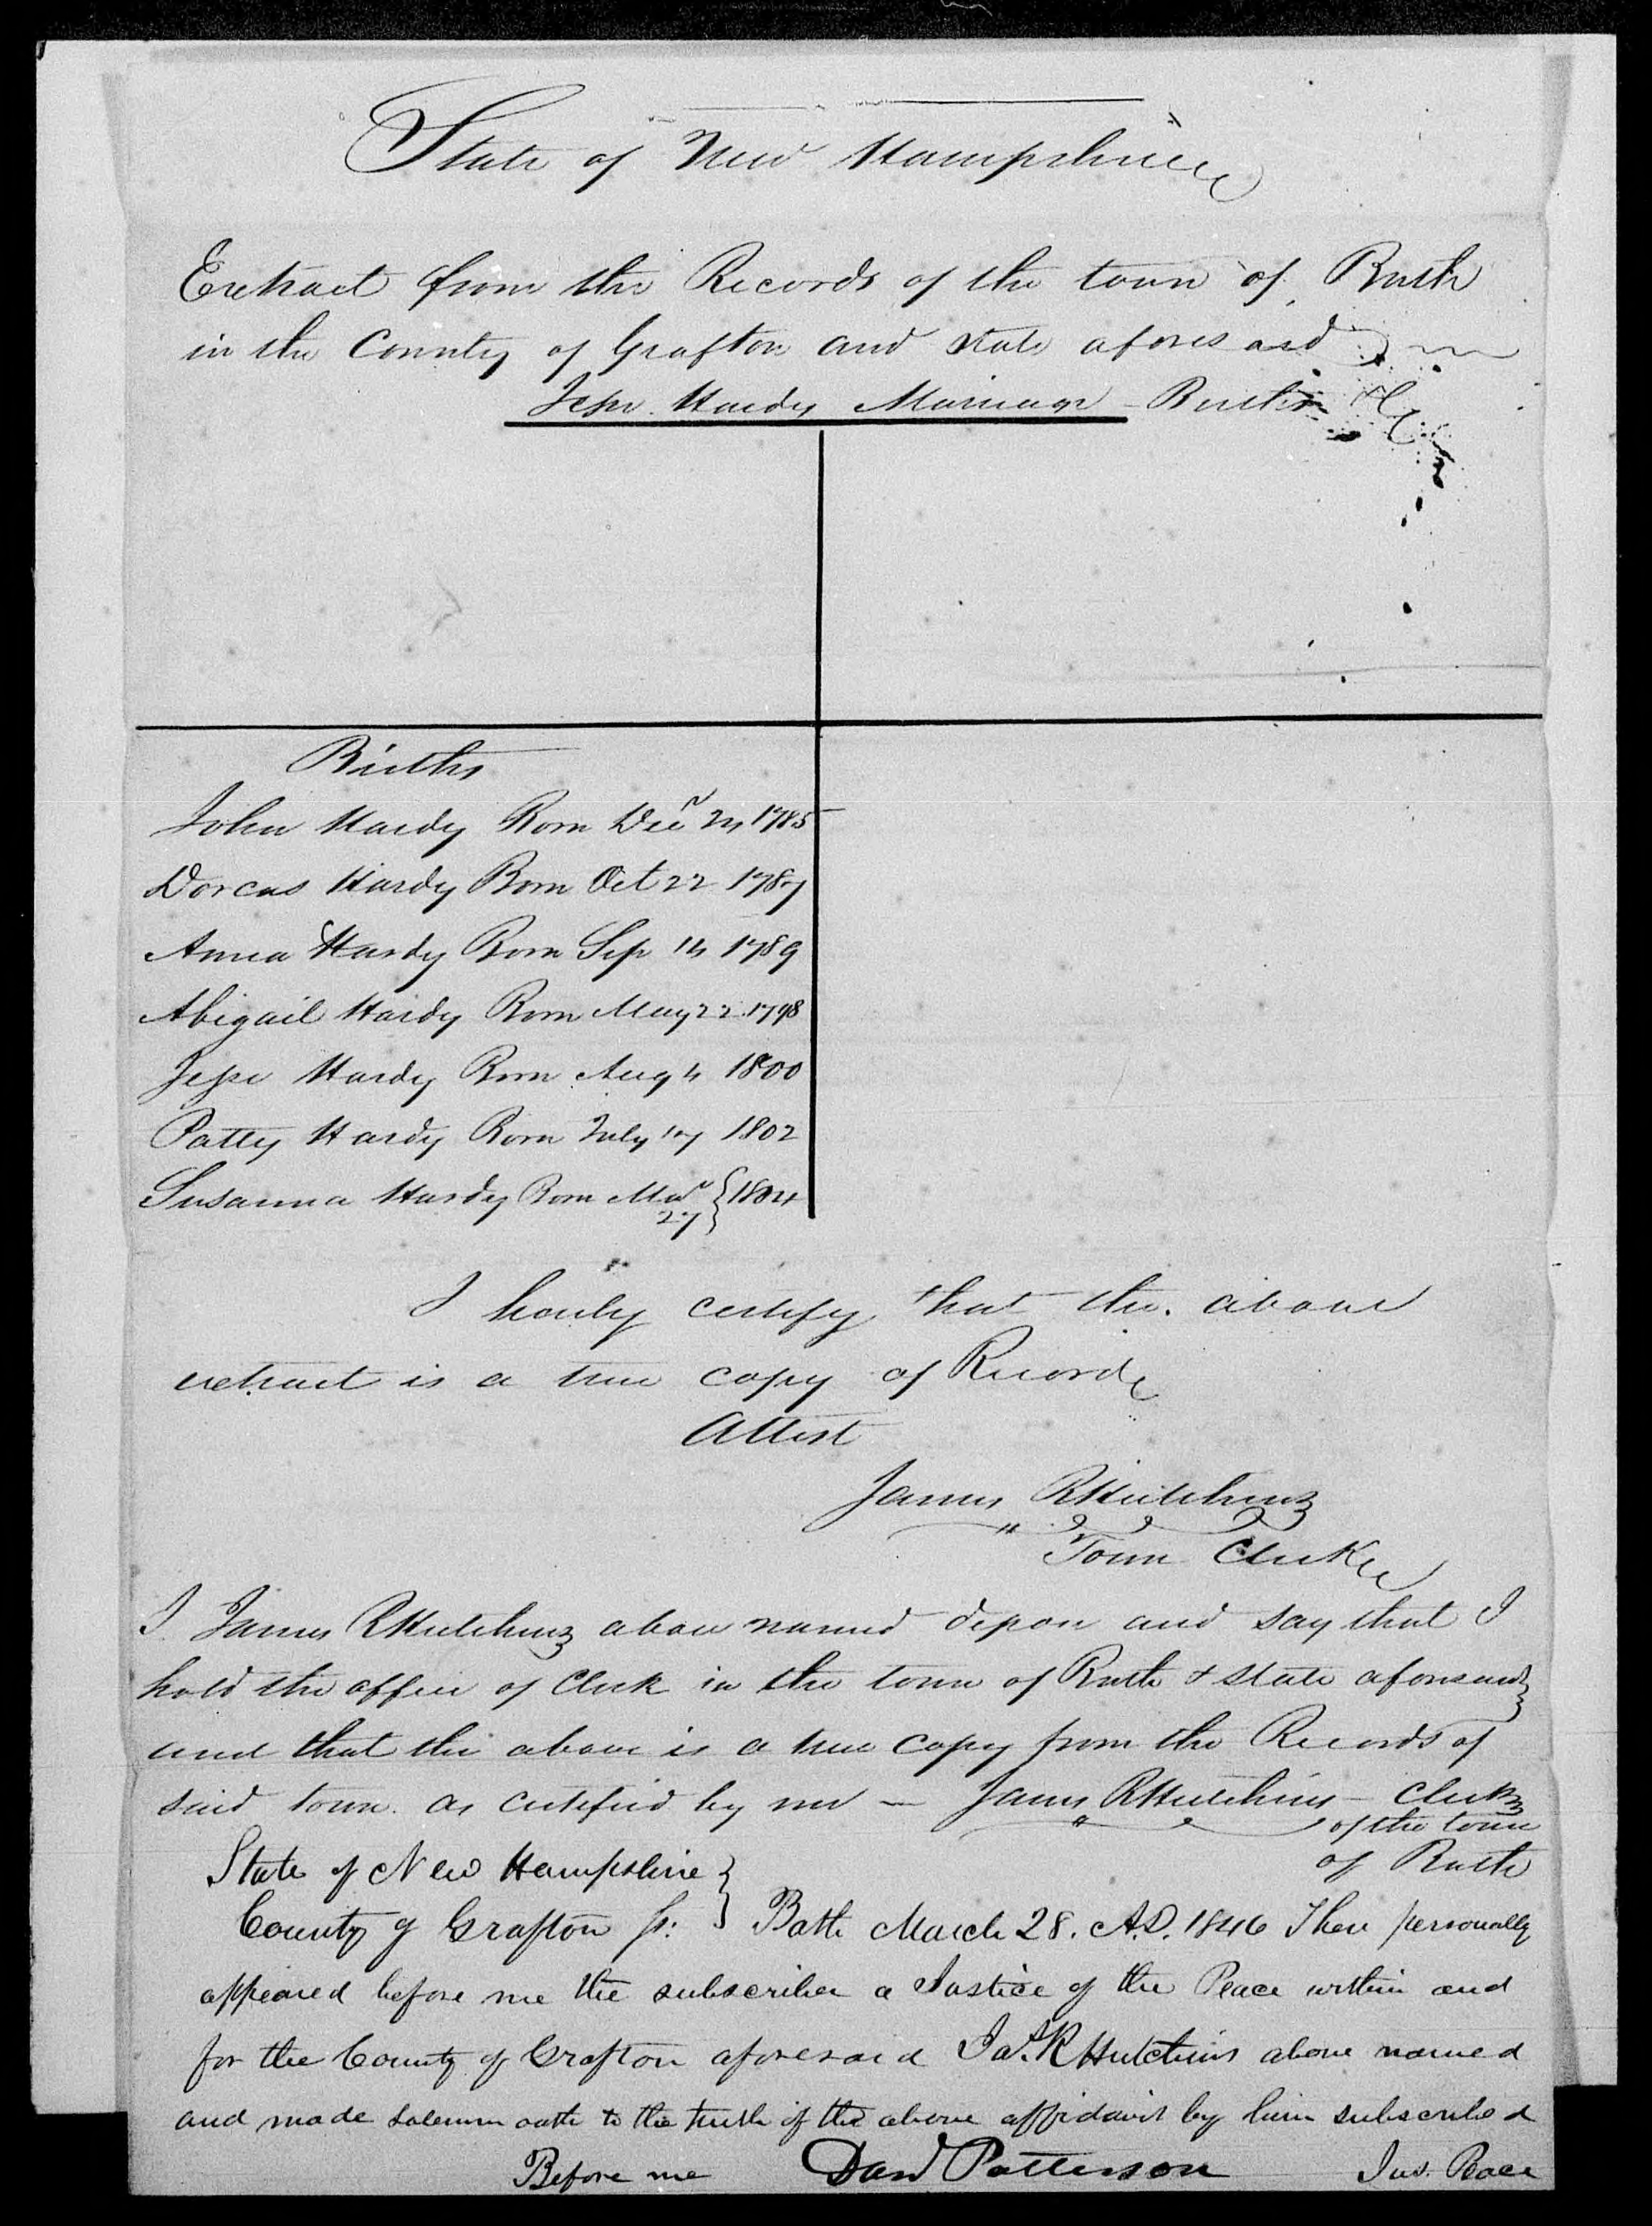State of New Hampshire
Extract from the Records of the town of Bath
in the County of Grafton and state aforementioned
Jepr. Hardy Marriage [illegible]
Births
John Hardy Born Dec 2[illegible] 1785
Dorcas Hardy Born Oct 22 1787
Anna Hardy Born Sep 1[illegible] 1789
Abigail Hardy Born May 22 1798
Jepr Hardy Born Aug 4 1800
Patty Hardy Born July 1[illegible] 1802
Susanna Hardy Born May 27 1804
I [illegible] certify that the above extract is a true copy of Record
Attest
James R Hutchins
Town Clerk
I James R Hutchins above named depose and say that I hold the office of Clerk in the town of Bath and state [illegible] that the above is a true copy from the records of said town.  As certified by me - James R Hutchins - clerk of the town of Bath, State of New Hampshire County of Grafton [illegible]  Bath March 28, A.D. 1846 There personally appeared before me the subscriber a Justice of the Peace within and for the County of Grafton aforesaid Jas. R Hutchins above named and made solemn oath to the truth of the above affidavit by herein subscribed.
Dani Patterson Jus. Peace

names: Patty Hardy, James R Hutchins, Susanna Hardy, James R Hutchins, Jesse Hardy, Jas R Hutchins, Dorcas Hardy, Jesse Hardy, John Hardy, Abigail Hardy, Anna Hardy, Danl Patterson, James R Hutchins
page: 11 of 67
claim: widow's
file: W. 23183, Jesse Hardy, Mass.